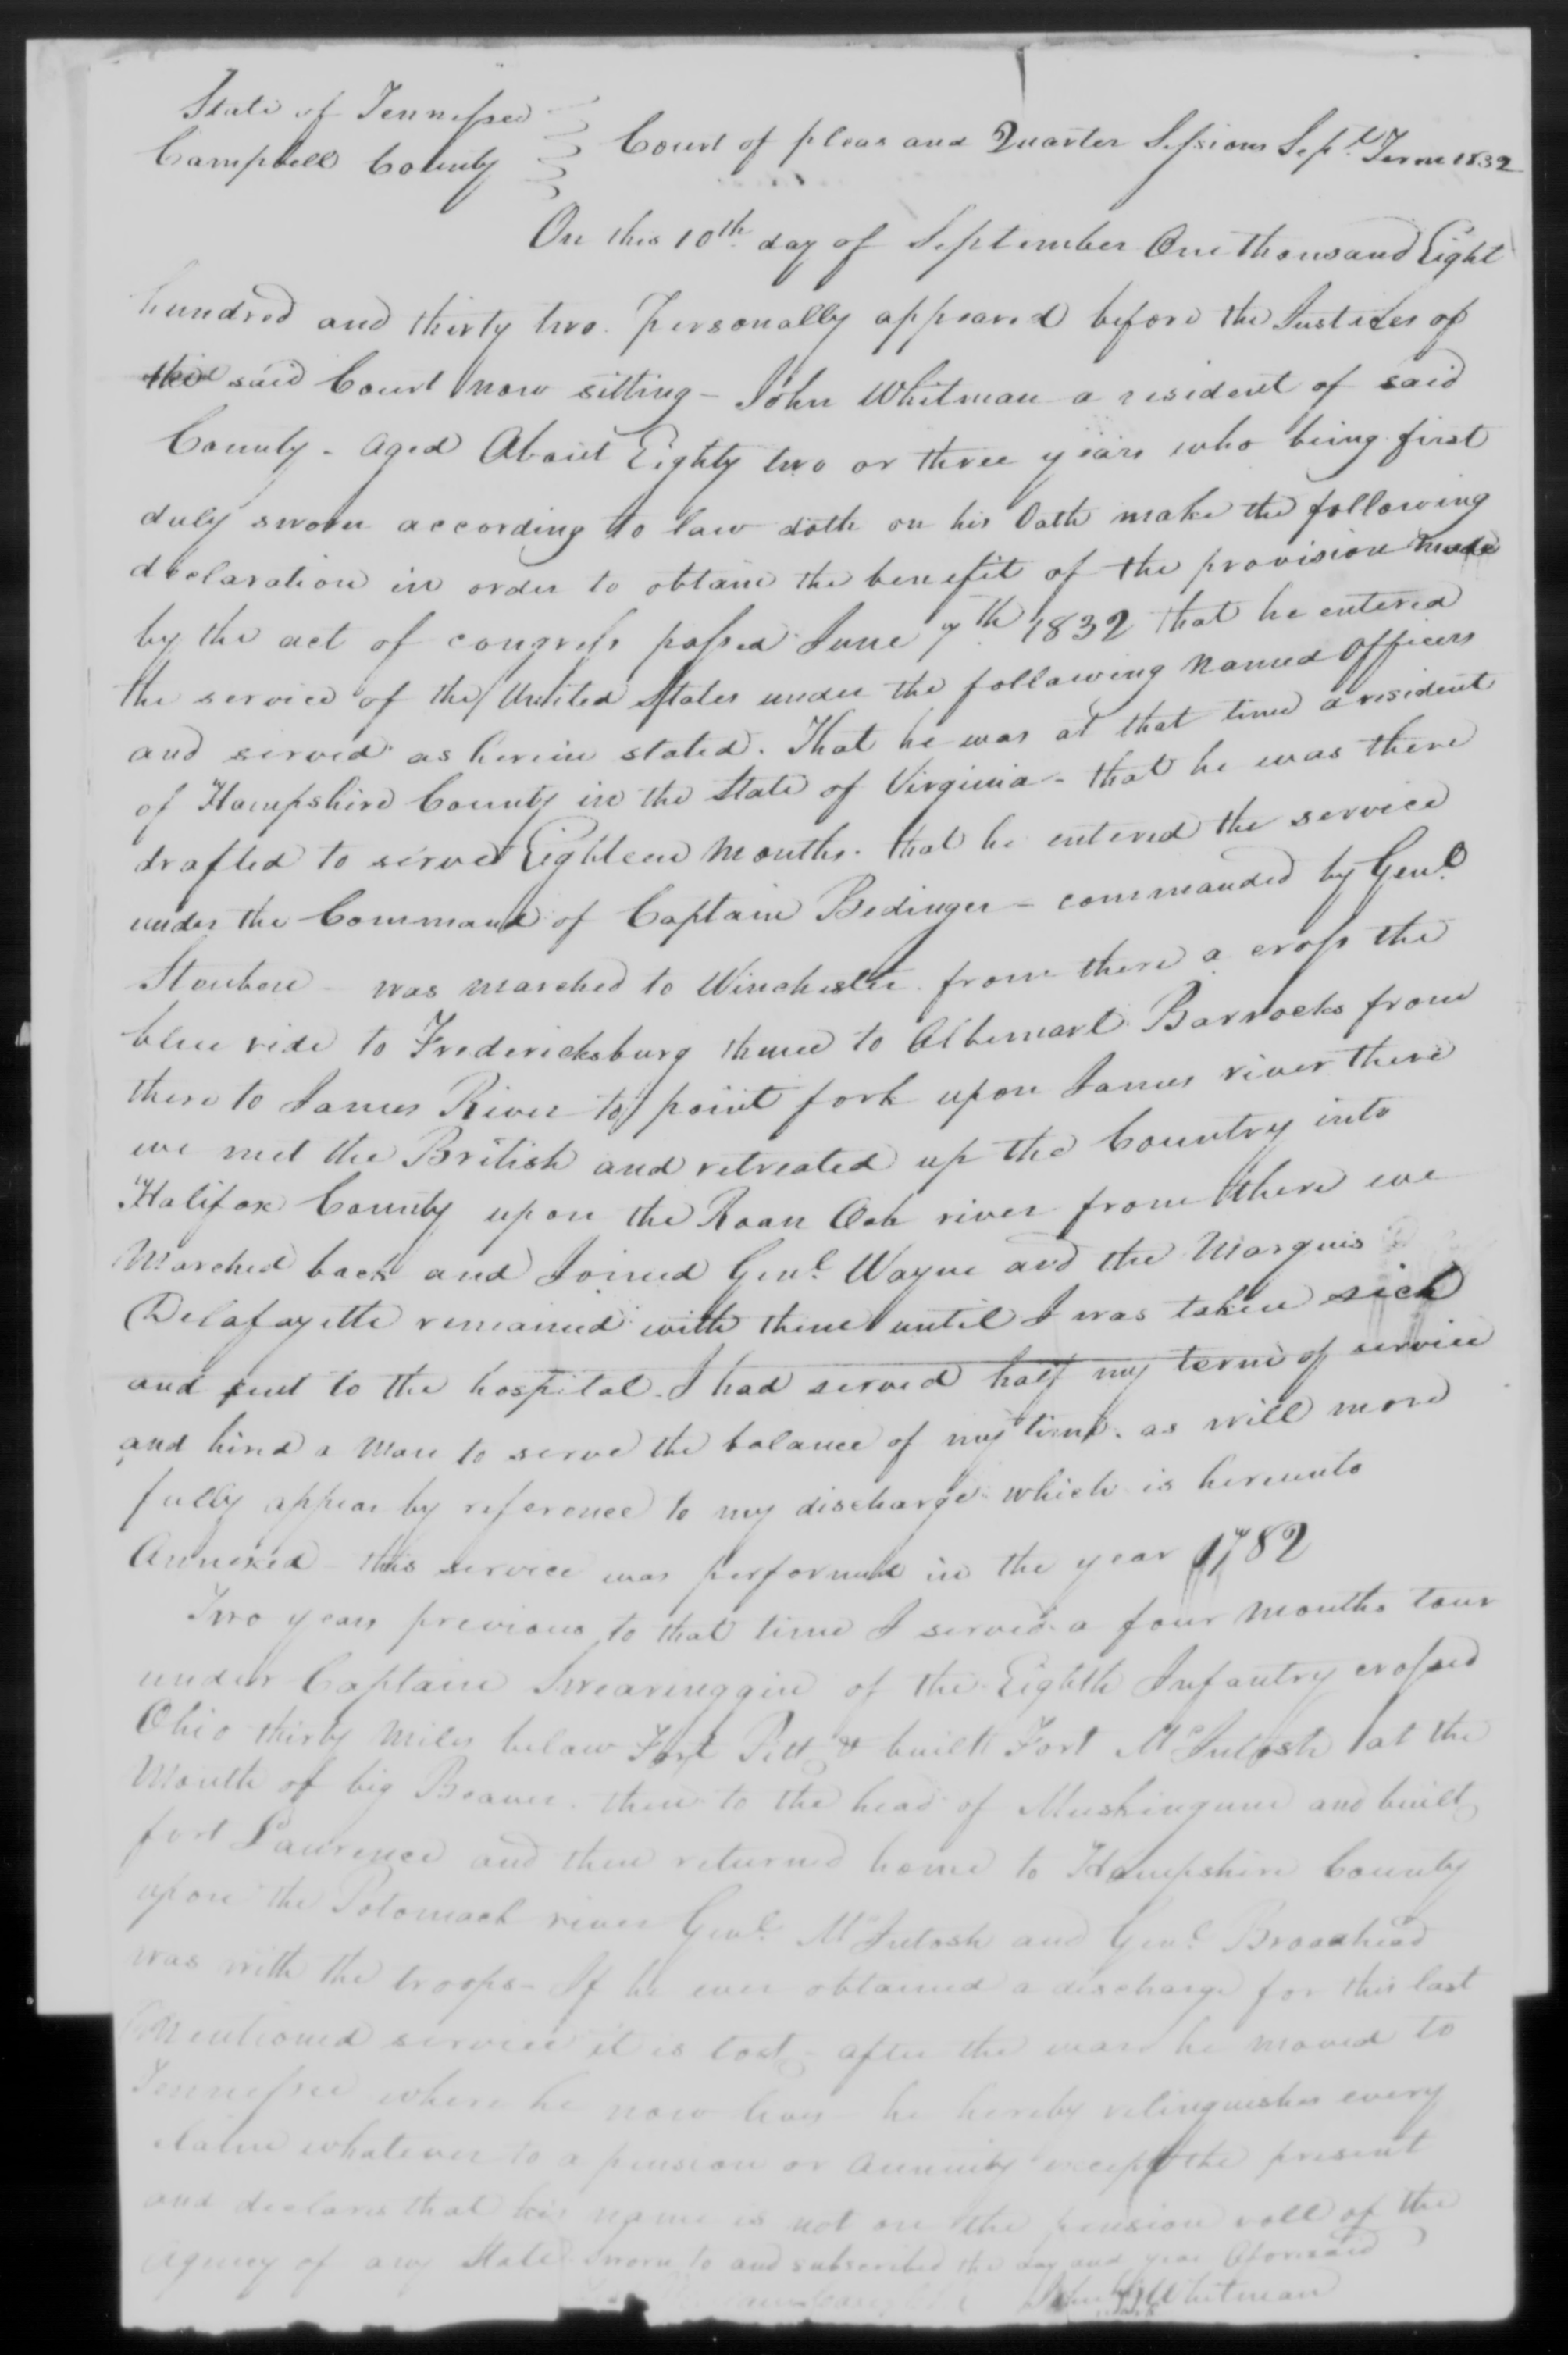State of Tennessee  
Campbell County ⎬Court of pleas and Quarter Session Sept Term 1832..
On this 10th day of September One thousand Eight
hundred and thirty two personally appeared before the Justices of
the said Court now sitting, John Whitman a resident of said
County aged about Eighty two or three years who being first
duly sworn according to law doth on his Oath make the following
declaration in order to obtain the benefit of the provision made
by the act of congress passed June 7th 1832 that he entered
the service of the United States under the following named officers
and served as herein stated. That he was at that time a resident
of Hampshire County in the State of Virginia_ that he was there
drafted to serve eighteen months. that he entered the service
under the command of Captain Bedinger commanded by Genl
Stanbow was marched to Winchester from there a cross the
bblue ride [sic: should be ridge] to Fredericksburg thence to Albemarle Barracks from
there to James River to point fork upon James river there
we met the British and retreated up the Country into
Halifax County upon the Roan Oak [sic: should be Roanoke] river from there we
Marched back and Joined Genl Wayne and the Marquis
Delafayette [sic] remained with them until I was taken sick
and fell to the hospital. I had served half my term of service
and hired a man to serve the balance of my time, as will more
fully appear by reference to my discharge which is hereunto
annexed this service was performed in the year 1782
Two years previous to that time I served four months tour
under Captain Swearinggin of the Eighth Infantry crossed
Ohio thirty miles below Fort Pitt & build Fort Mc [Illegible] at the
month of Big Beaver, then to the head of Muskingum and built
fort Lawrence and there returned home to Hampshire County
upon the Potomack river at Genl Broadhead
was with the troops. If he ever obtained a discharge for this last
mentioned service it is lost- after the war he moved to
Tennessee where he now livess he hereby relinquishes every
claim whatever to a pension or annuity except the present
and declares that his name is not on the pension roll of the
agency of any State Sworn to and subscribed the day and year aforesaid
John x his mark Whitman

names: John Whitman, Mc Intosh, Swearinggin, Stanbow, Wayne, Bedinger, Broadhead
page: 4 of 22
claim: survivor's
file: S 2023, John Whitman, Va.